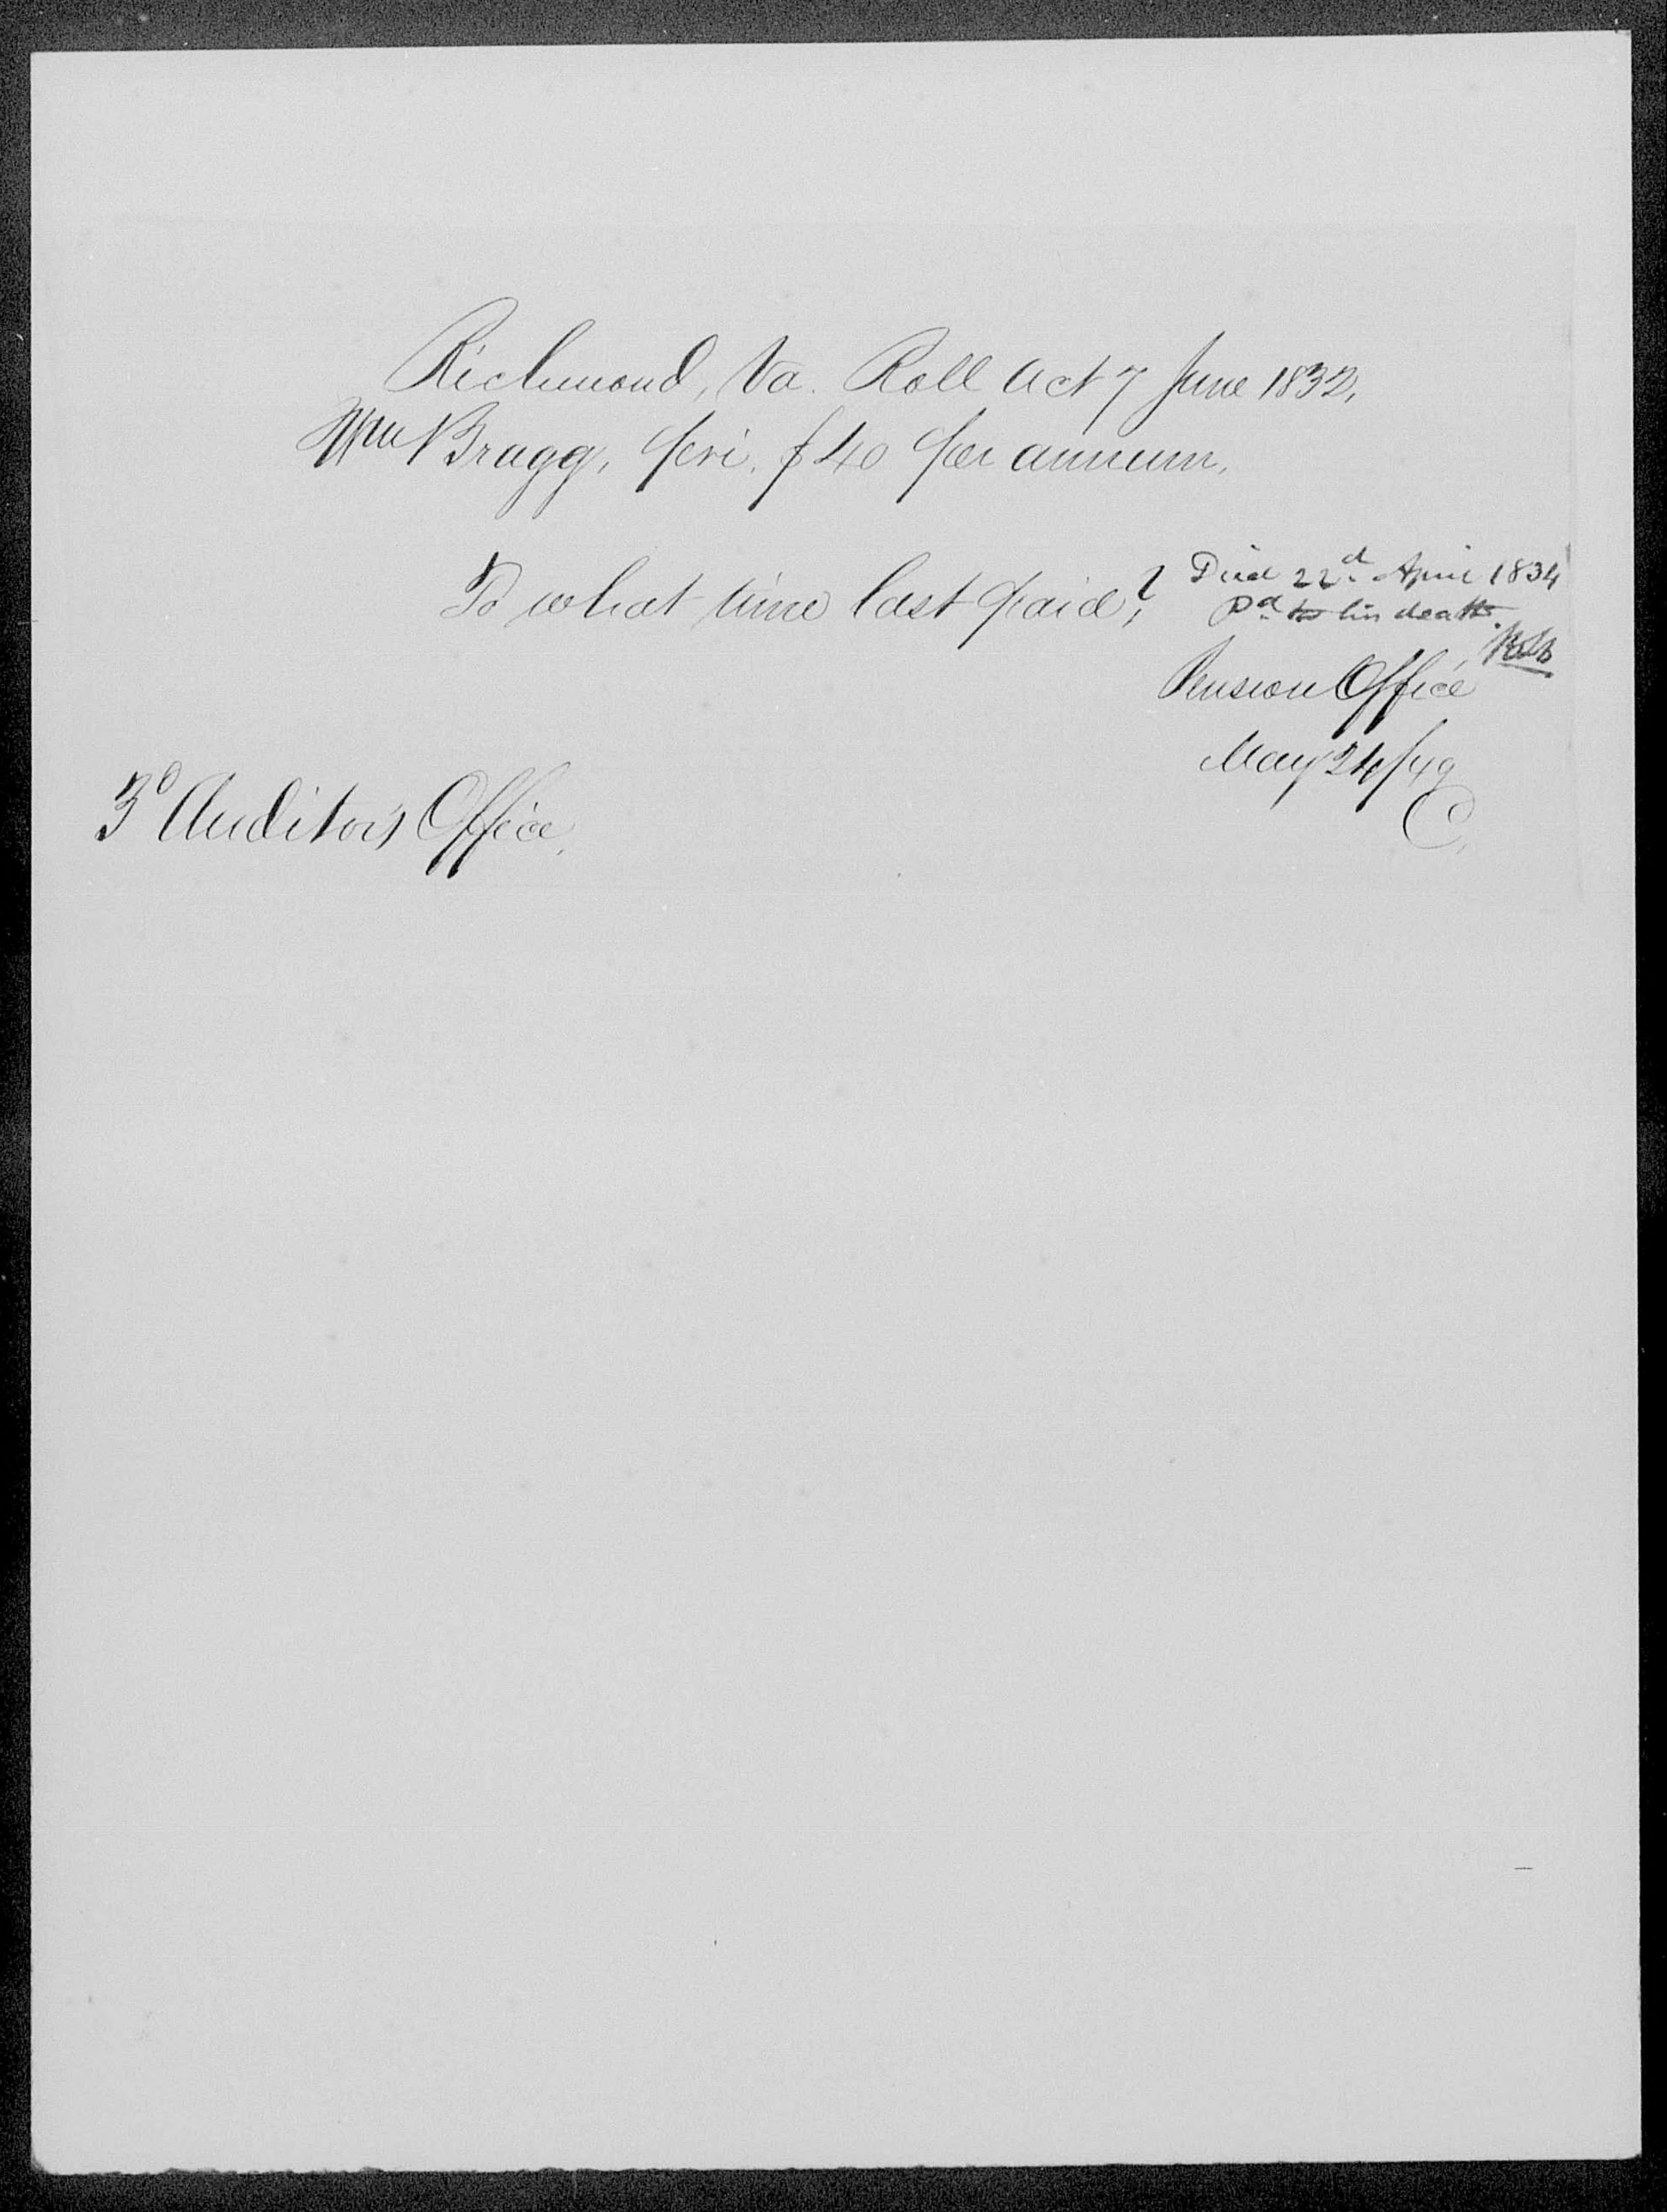Richmond, Va. Roll Act 7 June 1832, Wm Bragg, pri. [private] $40 per annum 
To what time last paid? Died 22d April 1834 pd. to his death [Illegible Initials] 
Pension Office 
May 24/49

3d Auditor's Office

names: Wm Bragg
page: 16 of 19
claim: widow's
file: W. 2517, William Bragg, Va.